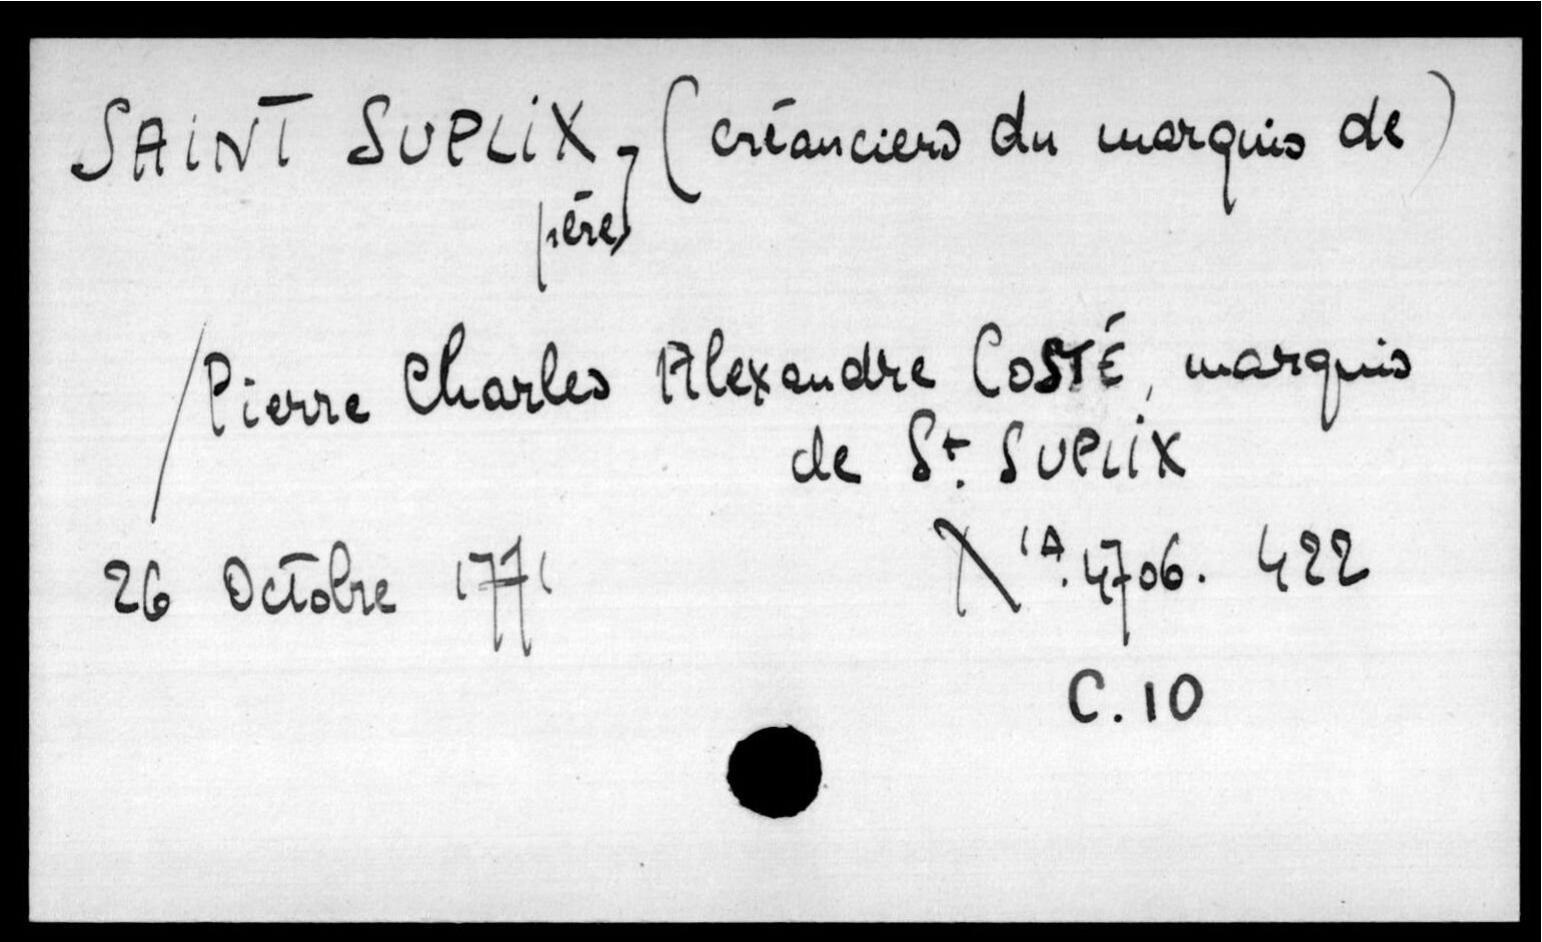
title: SAINT SUPLIX (créanciersu marquis de) père]
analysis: Contre Pierre Charles Alexandre COSTÉ marquis de SAINT-SUPLIX
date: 26 octobre 1771
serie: X1A
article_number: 4706
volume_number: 422? Conseil 10
